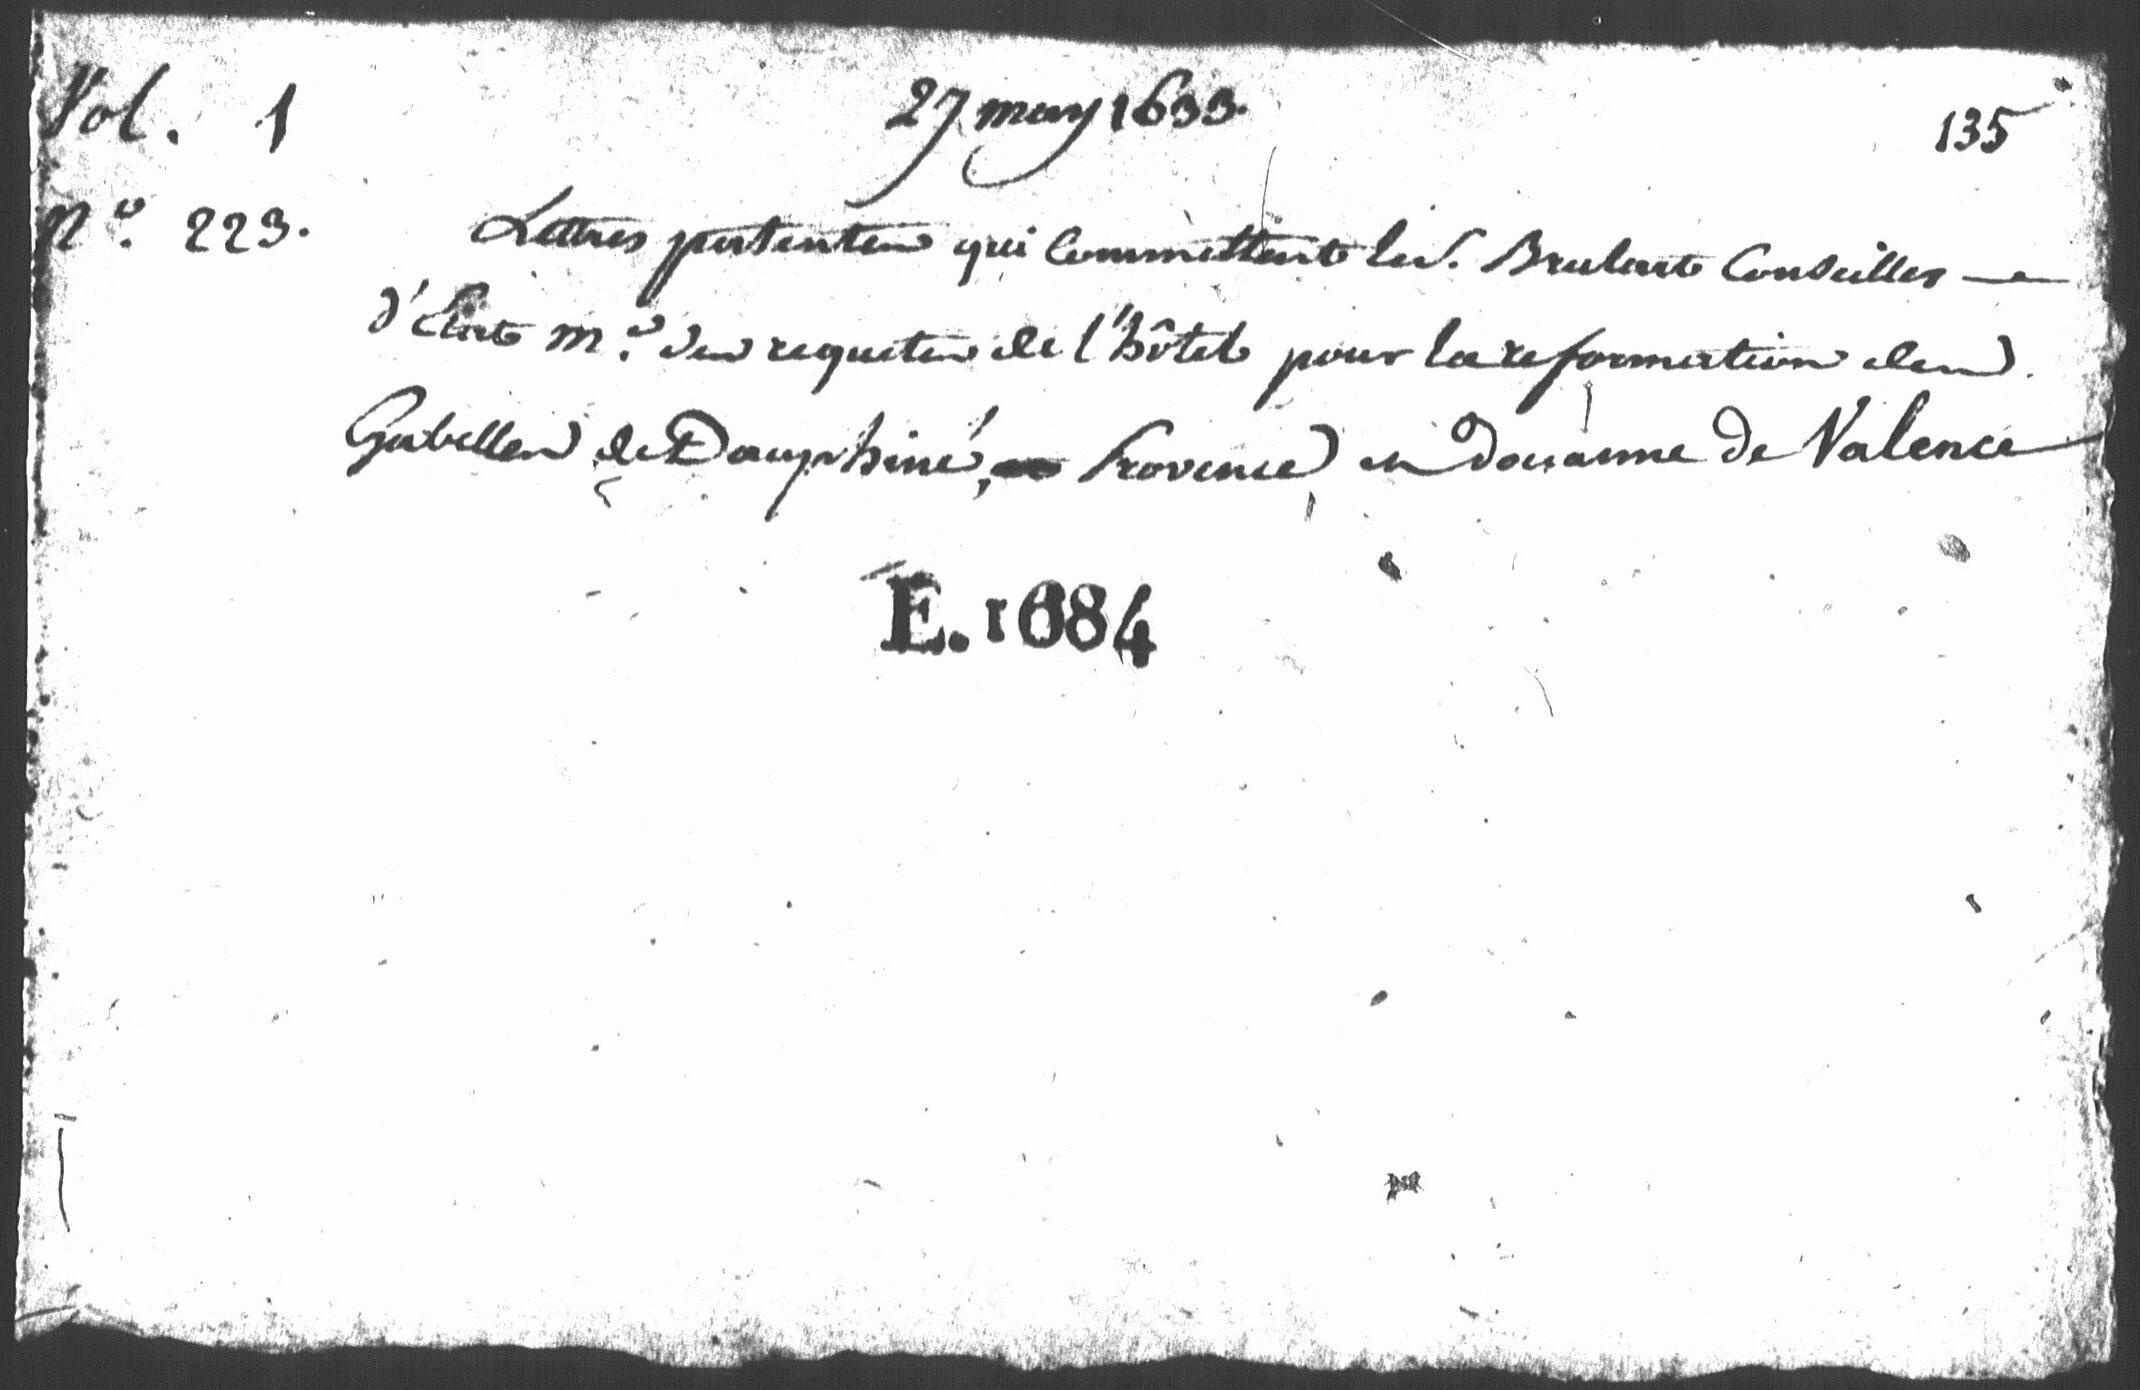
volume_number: n°233
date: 27 mai 1633
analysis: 135
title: Lettres patentes qui commettent le S. Brulart Conseiller d'Etat m.e des requêtes de l'hôtel pour la reformation des Gabelles de Dauphiné, [en, mot barré], Provence et domaine de Valence
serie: E
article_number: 1684
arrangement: vol. 1
